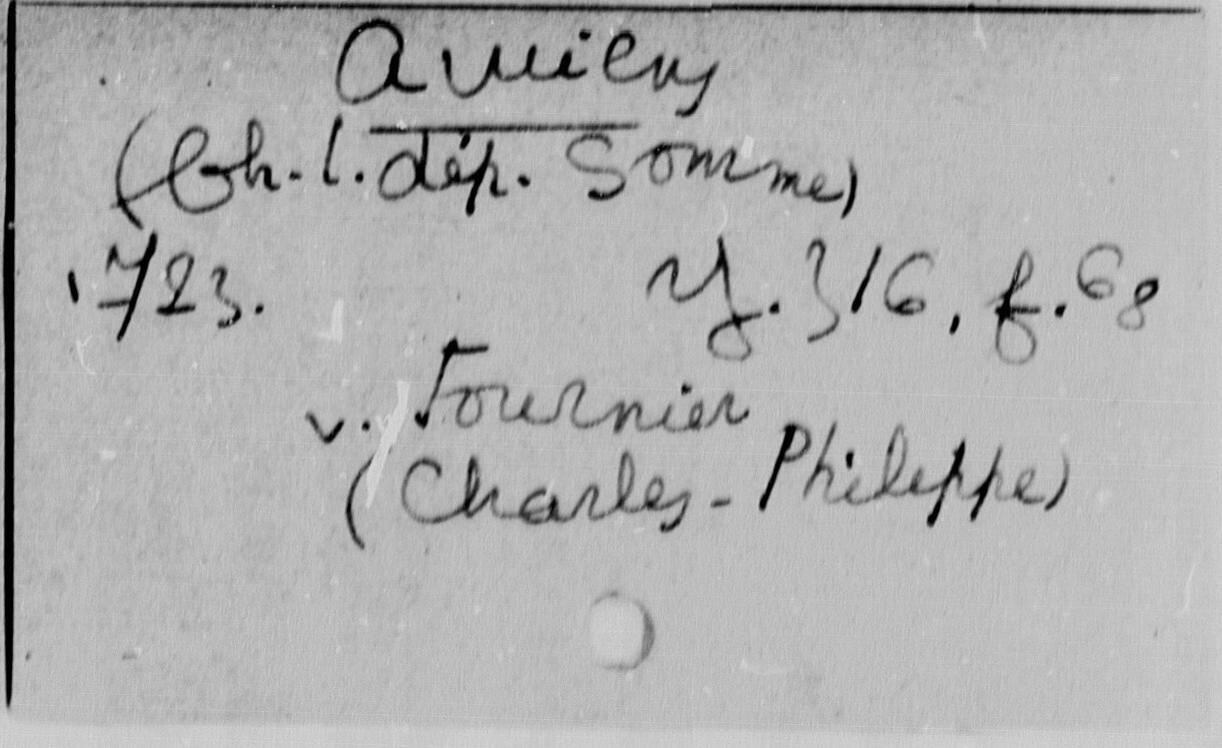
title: AMIENS (chef-lieu de département, département de la Somme)
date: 1723
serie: Y
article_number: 316
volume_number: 68
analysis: Voir FOURNIER (Charles-Philippe)
